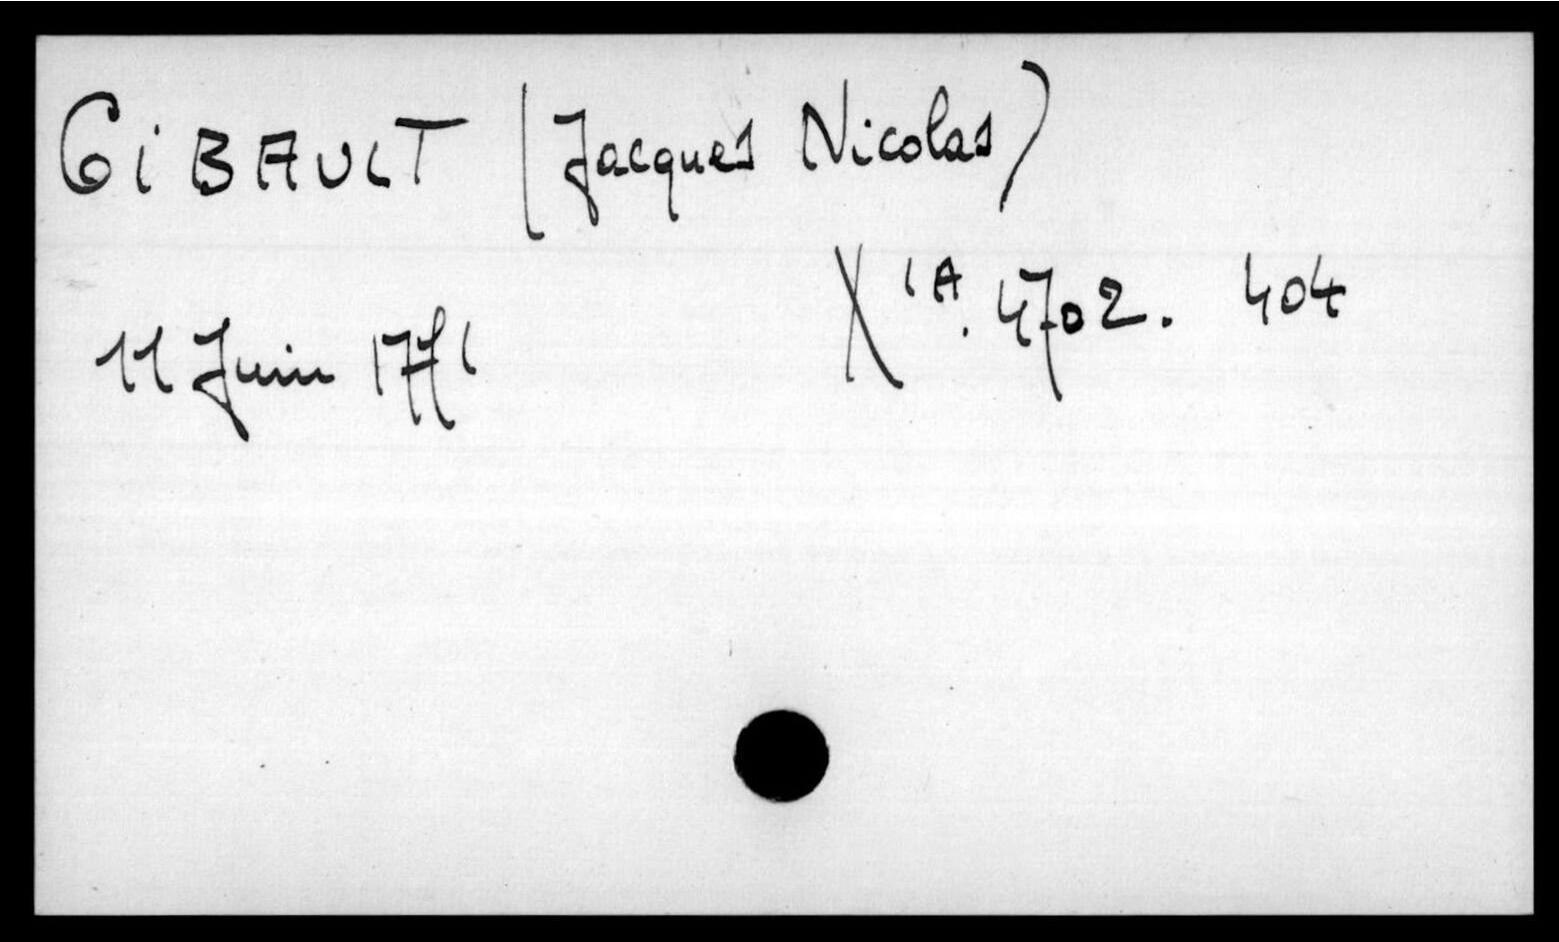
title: GIBAULT (Jacques Nicolas)
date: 11 juin 1771
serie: X1A
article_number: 4702
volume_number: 404
